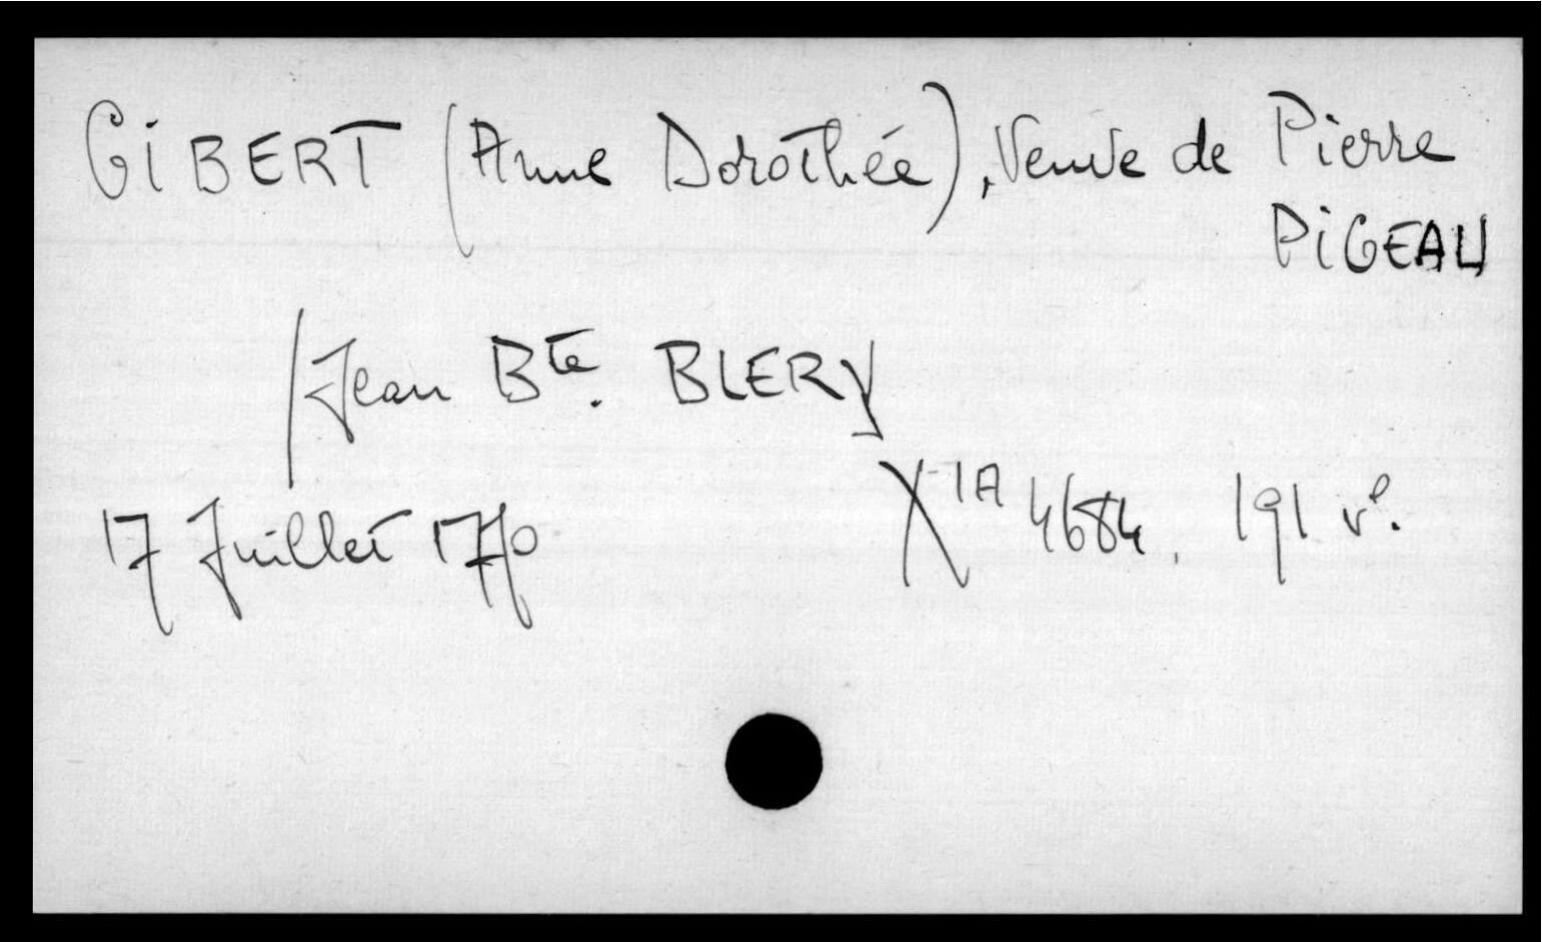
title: GIBERT (Anne Dorothée) Veuve de Pierre PIGEAU
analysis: Contre Jean Baptiste BLERY
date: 17 juillet 1770
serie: X1A
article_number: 4684
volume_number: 191v°
